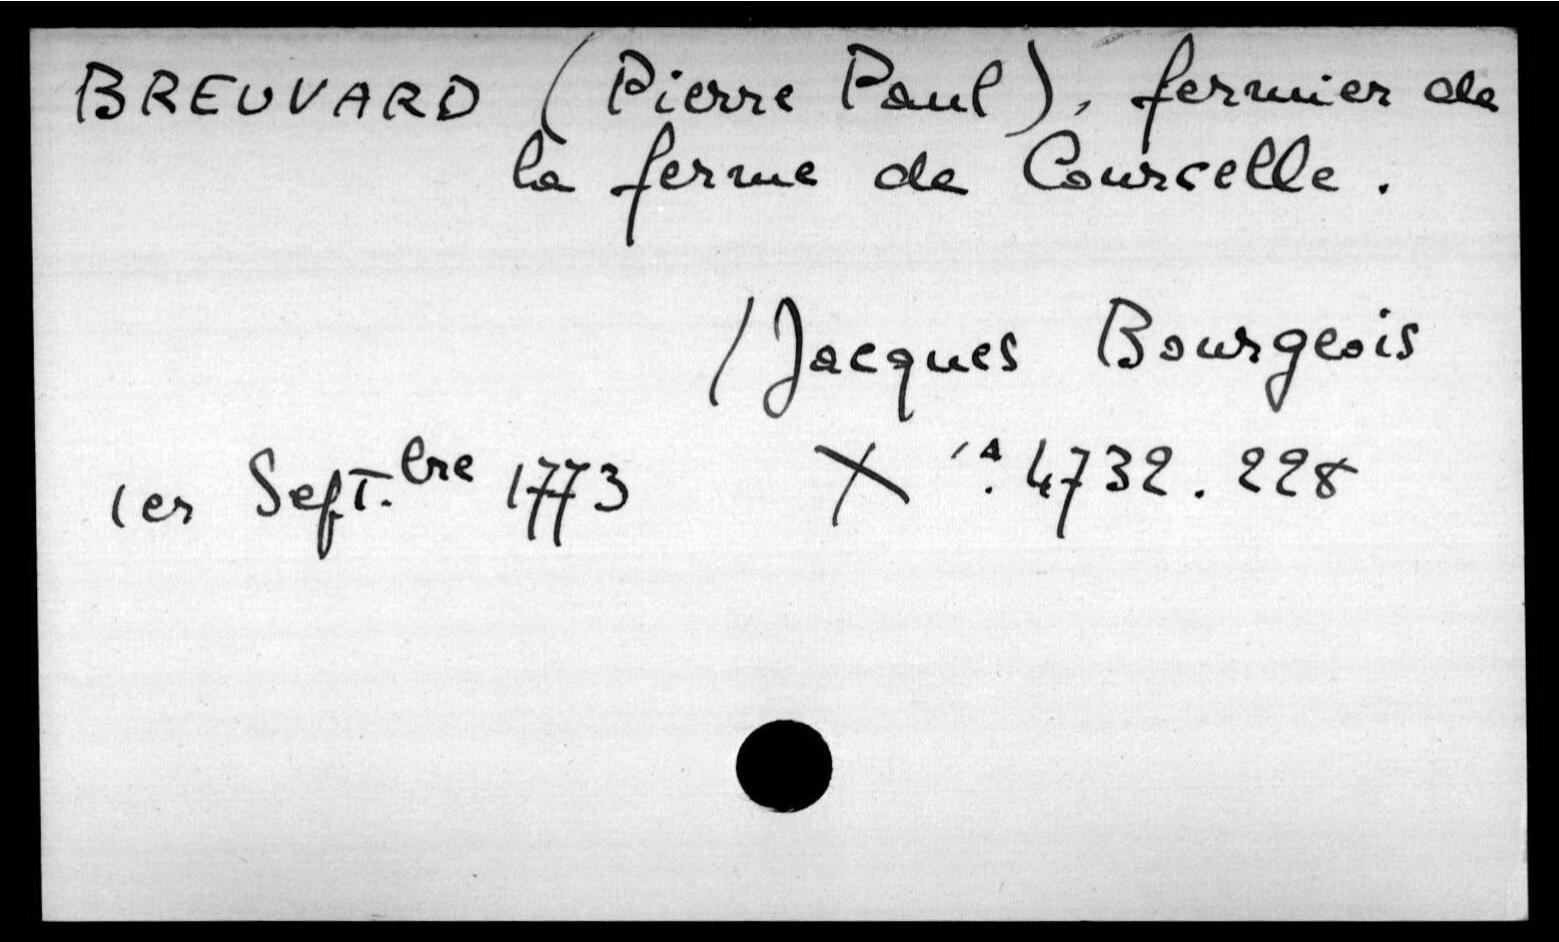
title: BREUVARD (Pierre Paul), fermier de la ferme de Courcelle
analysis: Contre Jacques Bourgeois
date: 1 septembre 1773
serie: X1A
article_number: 4732
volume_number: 228
